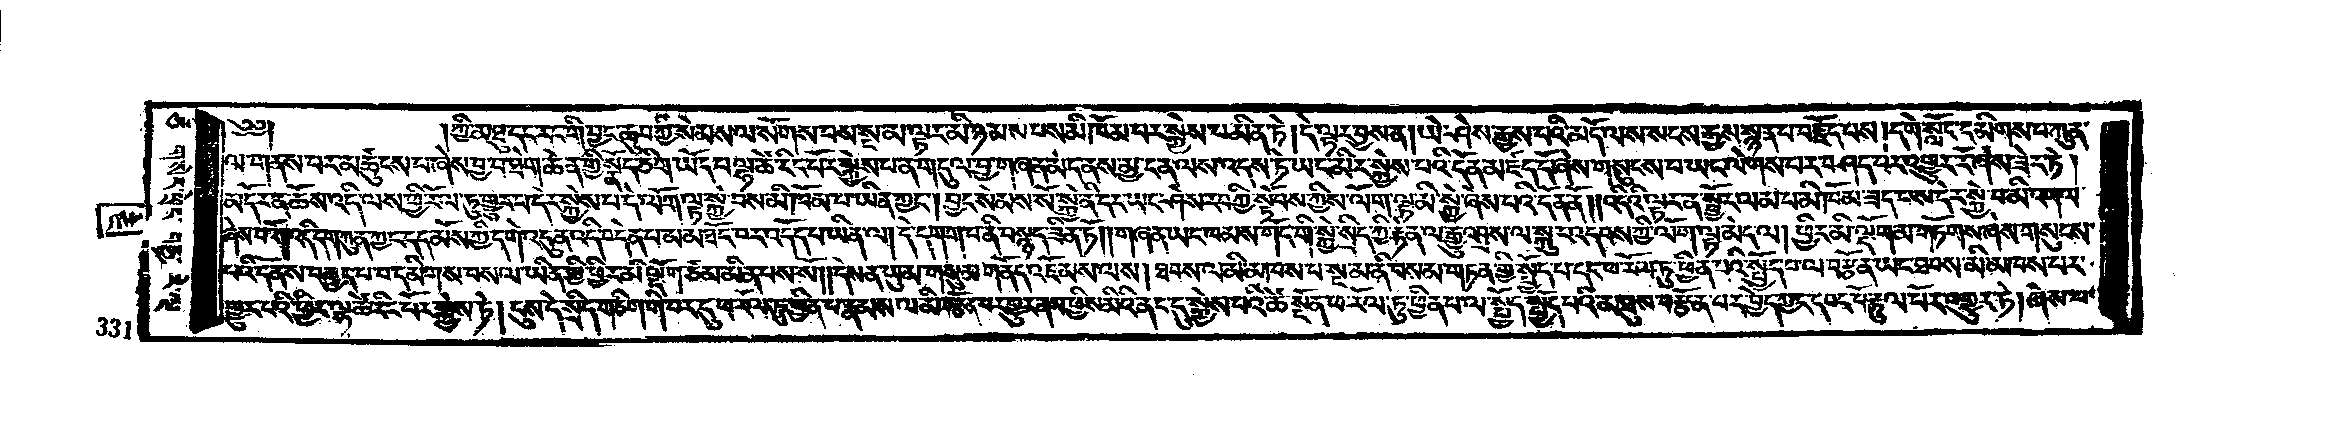༄༅། །ཀྱི་མཐུ་དང་རང་གི་བྱང་ཆུབ་ཀྱི་སེམས་ལ་སོགས་པས་སྔ་མ་ལྟར་མི་ཉམས་པས་མི་ཁོམ་པར་སྐྱེས་པ་མིན་ཏེ། དེ་ལྟར་བྱས་ན། ཡེ་ཤེས་རྒྱས་པའི་མདོ་ལས་སངས་རྒྱས་སྙན་པ་བརྗོད་པས། དགེ་སློང་དམིགས་པ་ཀུན་
ལ་གནས་བར་མཚུངས་པ་ཞེས་བྱ་བ་ཐེག་ཆེན་གྱི་སྣོད་ཅིག་ཡོད་པ་ལྷ་ཚེ་རིང་པོར་སྐྱེས་པ་ན་གདུལ་བྱ་གཞན་མེད་ནས་མྱ་ངན་ལས་འདས་ཏེ་ཡང་མིར་སྐྱེས་པའི་དོན་མཛད་དོ་ཞེས་གསུངས་པ་ཡང་ལེགས་པར་བཤད་པར་འགྱུར་རོ་ཞེས་ཟེར་ཏེ།
མདོར་ན་ཆོས་འདི་ལས་ཕྱི་རོལ་ཏུ་གྱུར་པ་དེར་སྐྱེས་པ་དེ་ལོག་ལྟ་སྐྱེ་བས་མི་ཁོམ་པ་ཡིན་ཀྱང་། བྱང་སེམས་སོ་སྐྱེ་ནི་དར་ཡང་ཤེས་རབ་ཀྱི་སྟོབས་ཀྱིས་ལོག་ལྟ་མི་སྐྱེ་ཞེས་པའི་དོན་ནོ། །འདིའི་ལྟར་ན་སྦྱོར་ལམ་པ་མི་ཁོམ་ཟད་པས་དེར་སྐྱེ་བ་མི་འགལ་
ཞེས་པའོ། །འདི་དག་ཀུན་ཀྱང་དད་མོས་ཀྱི་དགེ་འདུན་འདི་བདེན་པ་མ་མཐོང་བར་འདོད་པ་ཡིན་ལ། དེ་དགག་པ་ནི་བསྙད་ཟིན་ཏོ། །གཞན་ཡང་ཁམས་གོང་གི་སྐྱེ་སྲིད་ཀྱི་རྟེན་ལ་རྒྱུ་འབྲས་ལ་སྐུར་འདེབས་ཀྱི་ལོག་ལྟ་མེད་ལ། ཕྱིར་མི་ལྡོག་མ་གཏོགས་ཞེས་གསུངས་
པའི་དོན་ས་བརྒྱད་པ་བ་དམིགས་བསལ་ཡིན་གྱི་ཕྱིར་མི་ལྡོག་ཙམ་མིན་པས་སོ། །དེས་ན་ཡུམ་གསུམ་གནོད་འཇོམས་ལས། ཐབས་ལ་མི་མཁས་པ་སྔ་མ་ནི་བསམ་གཏན་གྱི་སྤྱོད་པ་དང་ཕ་རོལ་ཏུ་ཕྱིན་པའི་སྤྱོད་པ་ལ་བརྩོན་ཡང་ཐབས་མི་མཁས་པར་
གྱུར་པའི་ཕྱིར་ལྷ་ཚེ་རིང་པོར་སྐྱེས་ཏེ། དུས་དེ་སྲིད་གཅིག་གི་བར་དུ་ཕ་རོལ་ཏུ་ཕྱིན་པ་རྣམས་ལ་མི་བརྩོན་པར་གྱུར་ནས་ཕྱིས་མིའི་ནང་དུ་སྐྱེས་པའི་ཚེ་སྔོན་ཕ་རོལ་ཏུ་ཕྱིན་པ་ལ་སྤྱོད་སྤྱོད་པའི་མཐུས་བརྩོན་པར་བྱེད་ཀྱང་དབང་པོ་རྟུལ་པོར་འགྱུར་ཏེ། ཞེས་པ་